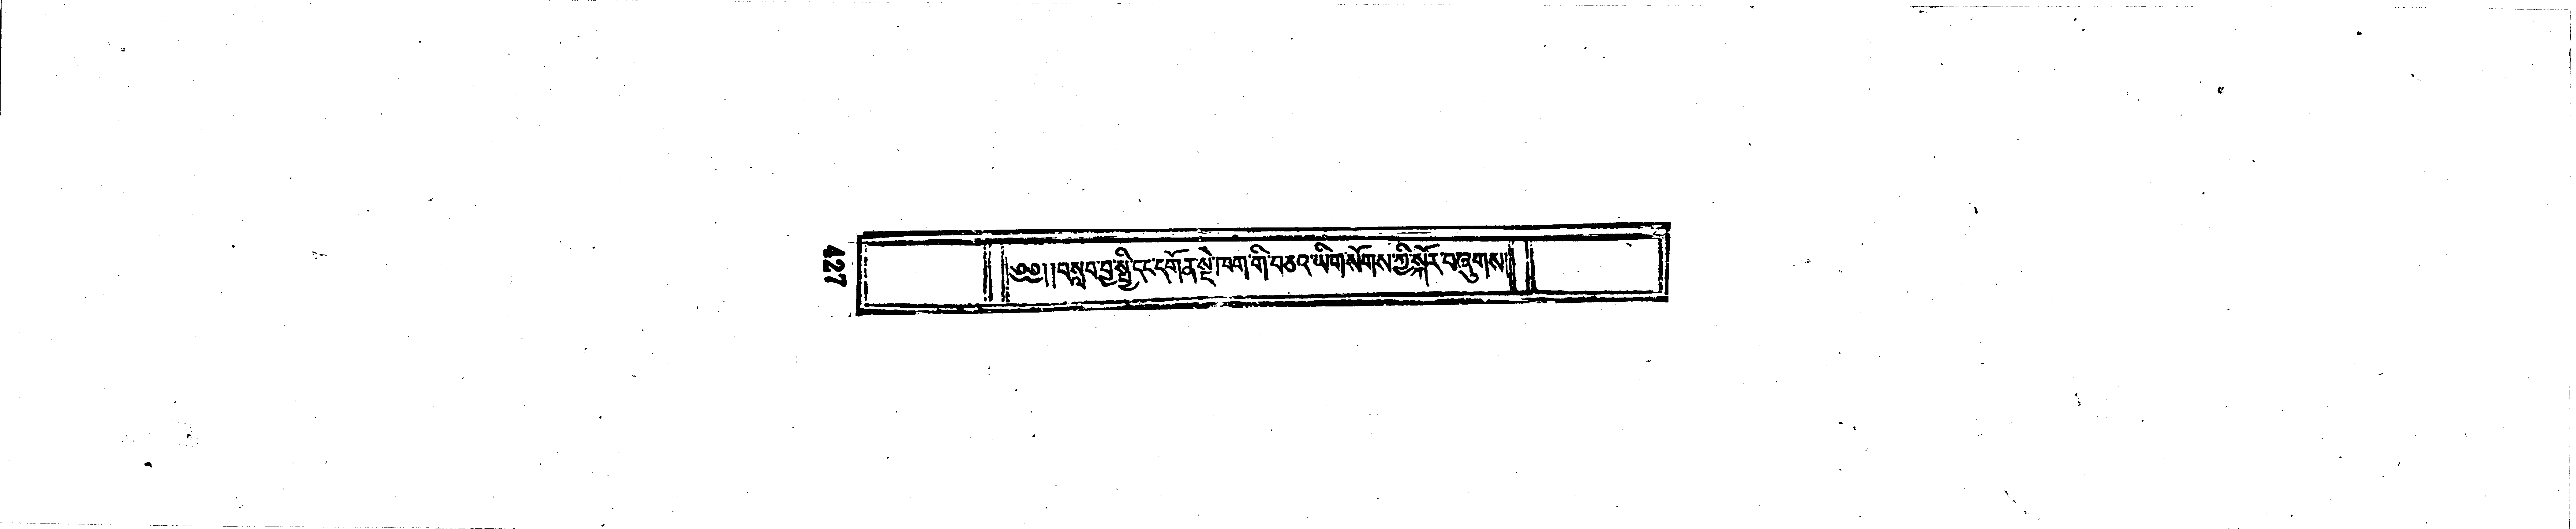༄༅། །བསླབ་བྱ་སྤྱི་དང་དགོན་སྡེ་ཁག་གི་བཅའ་ཡིག་སོགས་ཀྱི་སྐོར་བཞུགས།།